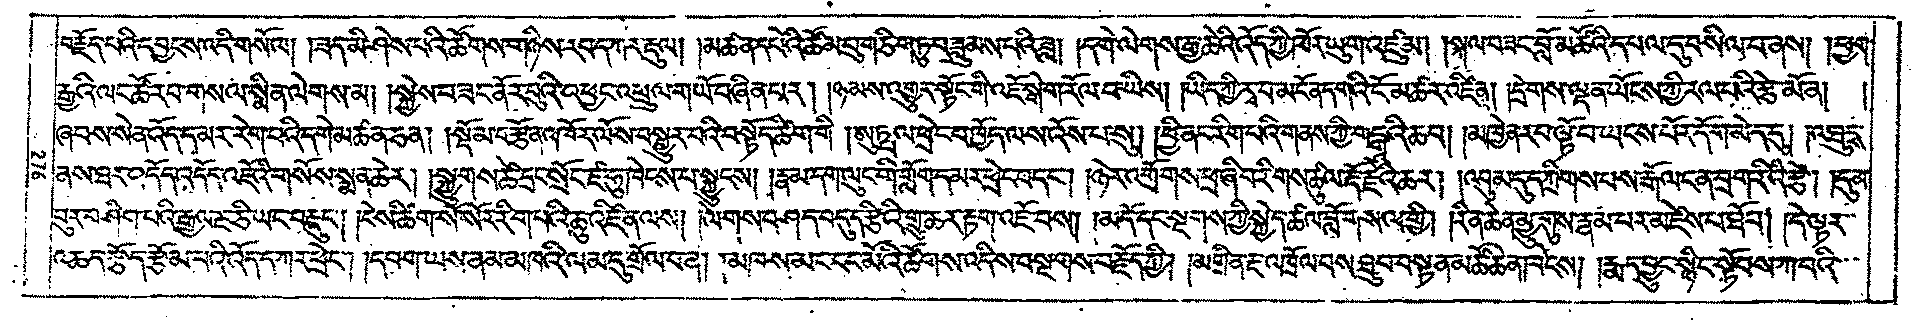བརྗོད་པའི་དབྱངས་འདི་གསོལ། །ཟད་མི་ཤེས་པའི་ཚོགས་གཉིས་རབ་དཀར་རྡུལ། །མཚན་དཔེའི་ཚོམ་བུ་གཅིག་ཏུ་བཟླུམས་པའི་ཟླ། །དགེ་ལེགས་རྒྱ་ཆེའི་འོད་ཀྱི་ཁོར་ཡུག་འཛུམ། །སྐལ་བཟང་བློ་མཚོའི་དཔལ་དུ་བསིལ་བ་ནས། །ཕྱག་
རྒྱའི་ལང་ཚོ་རབ་གསལ་སྨིན་ལེགས་མ། །སྐྱེས་བཟང་ནོར་བུའི་འཕྱང་འཕྲུལ་གཡོ་བཞིན་པར། །ཉམས་འགྱུར་སྟོང་གི་འཇོ་སྒེག་རོལ་བ་ཡིས། །ཡིད་ཀྱི་རྭ་བ་མངོན་དགའི་ངོ་མཚར་འཛིན། །དྲེགས་ལྡན་ཡོངས་ཀྱི་རལ་པའི་རྩེ་མོ་ན། །
ཞབས་སེན་འོད་དམར་རེག་པའི་དགེ་མཚན་ཅན། །སྡོམ་བརྩོན་འཁོར་ལོས་བསྒྱུར་བའི་བསྟོད་ཚིག་གི །ཨུཏྤལ་ཕྲེང་བ་ཁྱོད་ལས་འོས་པ་སུ། །ཕྱི་ནང་རིག་པའི་གནས་ཀྱི་གངྒཱའི་ཆབ། །མཁྱེན་རབ་ལྟོ་བ་ཡངས་པོར་དོག་མེད་དུ། །འཐུངས་
ནས་ཐར་འདོད་འདོད་འཇོའི་གསོས་སྨན་ཆེར། །སྐྱུགས་ཚེ་དྲང་སྲོང་ཛ་ཧུ་ཁེངས་པ་སྐྱུངས། །རྣམ་དག་ལུང་གི་གློག་དམར་ཕྲེང་བ་དང་། །ཉེར་འགྲོགས་ཕྲ་ཞི་བ་རིགས་ཚུལ་རྡོ་རྗེའི་ཆར། །འབུམ་དུ་དཀྲིགས་པས་རྒོལ་ངན་བྲག་རིའི་རྩེ། །དུམ་
བུར་བཤིག་པའི་རྒྱལ་རྔ་ཅི་ཡང་བརྡུང་། །ངེས་ཚིག་སོ་སོར་རིག་པའི་ཆུ་འཛིན་ལས། །ལེགས་བཤད་བདུད་རྩིའི་གྲུ་ཆར་རྟག་འཇོ་བས། །མདོ་དང་སྔགས་ཀྱི་སྐྱེད་ཚལ་བློ་གསལ་གྱི། །རིན་ཆེན་མྱུ་གུས་རྣམ་པར་མཛེས་པ་ཐོབ། །དེ་ལྟར་
འཆད་རྩོད་རྩོམ་པའི་འོད་དཀར་ཕྲེང་། །དཔག་ཡས་ནམ་མཁའི་ལམ་དུ་གྲོལ་བ་ན། །མཁས་མང་ངང་མོའི་ཚོགས་འདིས་བསྔགས་བརྗོད་ཀྱི། །མགྲིན་རྔ་འཁྲོལ་བས་ཐུབ་བསྟན་མཚོ་ཆེན་ཁེངས། །རྨད་བྱུང་སྙིང་སྟོབས་ཀ་བའི་